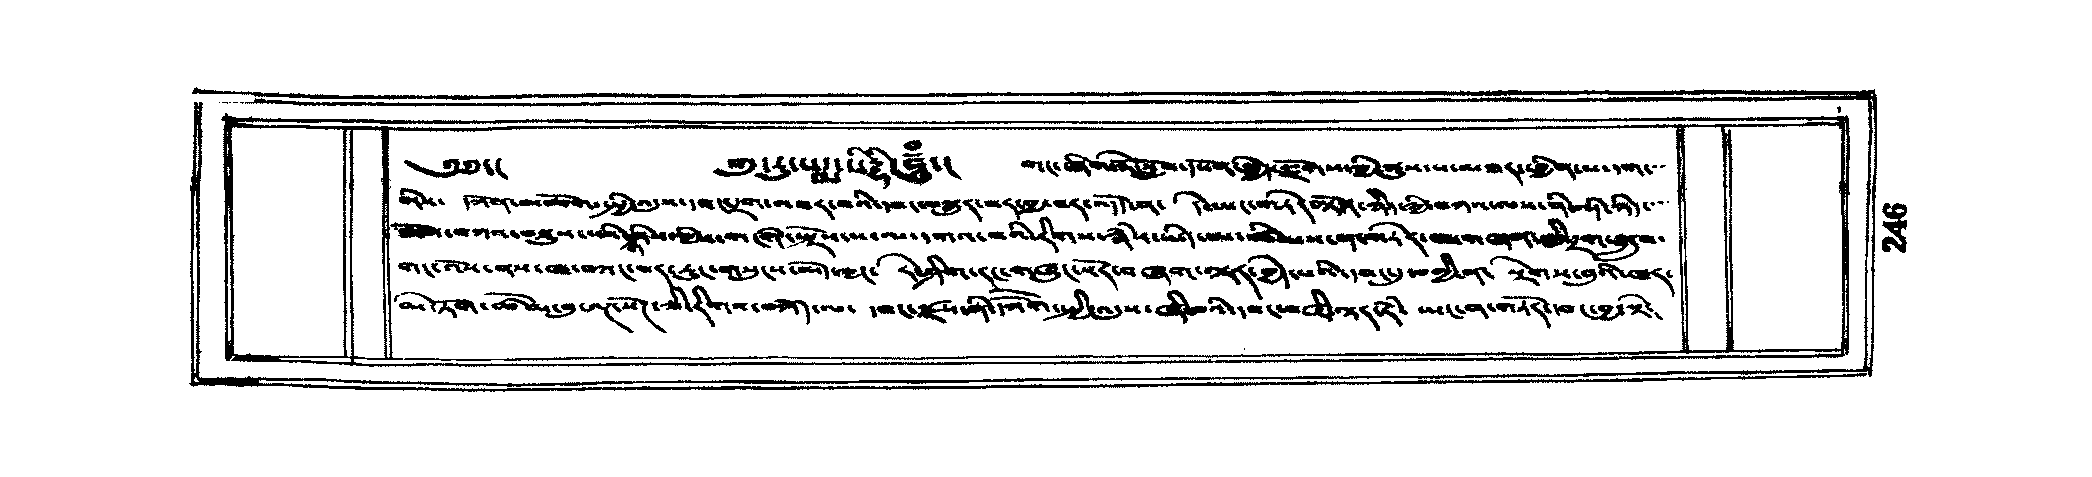གུ་རུ་པདྨ་སིདྡྷི་ཧཱུྃ། གང་ཞིག་རྡོ་རྗེ་སློབ་དཔོན་སྐྱེད་རྫོགས་ཀྱི་ནུས་པ་མཐར་ཕྱིན་པ་དག་
གིས། དཀོན་མཆོག་སྤྱི་འདུས་དབང་དྲག་འབར་བའི་དབང་བསྐུར་བར་བྱ་བ་འདོད་ན། དེ་ཡང་གཏེར་སྟོན་ཉིད་ཀྱི་བཀའ་ལས་ནི་འདི་ཉིད་
ཆོས་བཀའ་བསྡུས་པའི་་་་་་་་་་་་་་་་་་་་་་་་་་་་གདམས་ངག་ལ་དགའ་བའི་རིགས་རྣམས་ཡིད་མ་ཚིམས་ན་གཏེར་ཁ་གཞན་གྱི་དྲག་སྒྲུབ་
གང་འོས་ནས་ཁ་བསྐང་བར་རུང་མོད་ཀྱང་། རེ་ཤིག་རང་གཞུང་སོར་བཞག་ལྟར་བྱེད་པའི་དབང་དུ་བགྱི་ན། སྟེགས་བུའི་ཁར་
མེ་ཏོག་ཚོམ་བུ་ལྔ་སོགས་ཅི་རིགས་བཀོད་ལ། དབང་རྫས་ནི་དཀོན་མཆོག་སྤྱི་འདུས་ཞི་བའི་དབང་བཞི་ལྟར་རམ། ཡང་ན་གཏོར་དབང་བྱ་སྟེ།